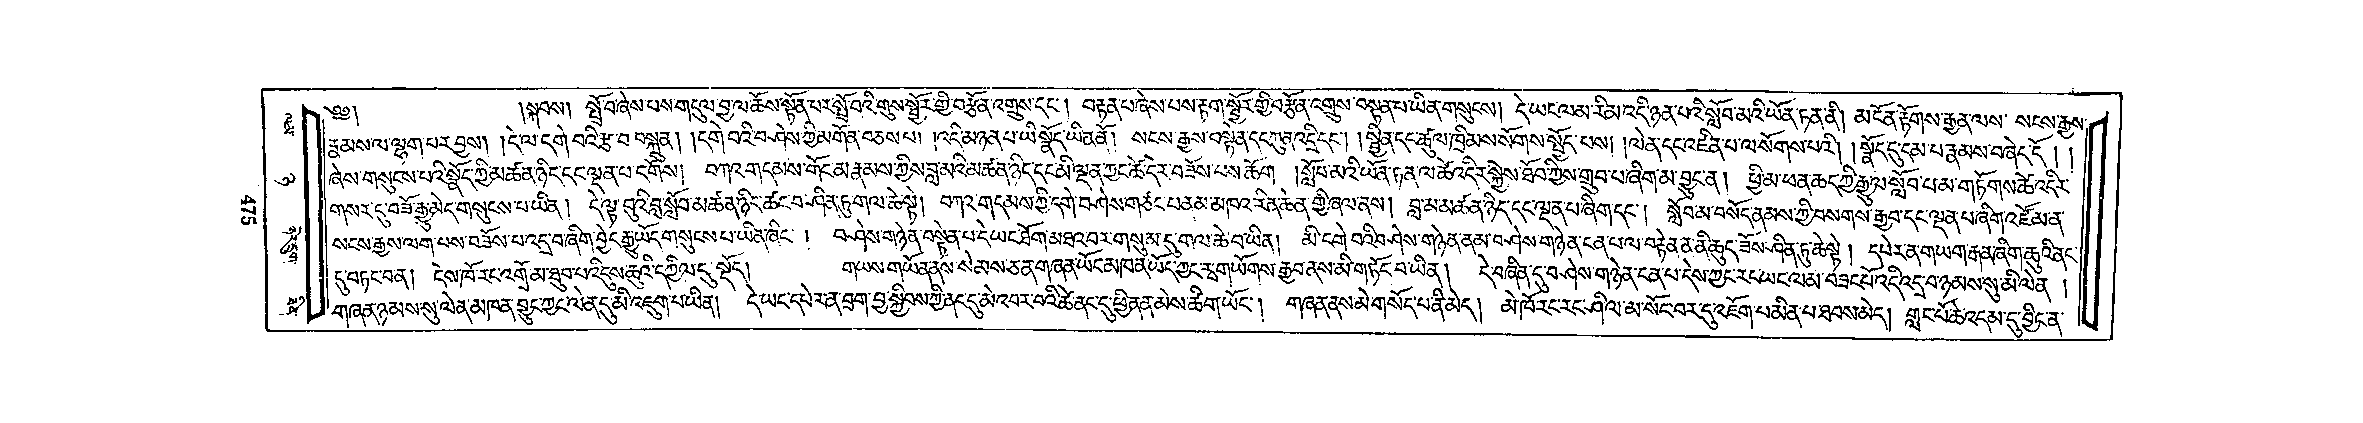༄༅། །སྐབས། སྤྲོ་བ་ཞེས་པས་གདུལ་བྱ་ལ་ཆོས་སྟོན་པར་སྤྲོ་བའི་གུས་སྦྱོར་གྱི་བརྩོན་འགྲུས་དང་། བརྟན་པ་ཞེས་པས་རྟག་སྦྱོར་གྱི་བརྩོན་འགྲུས་བསྟན་པ་ཡིན་གསུངས། དེ་ཡང་ལམ་རིམ་འདི་ཉན་པའི་སློབ་མའི་ཡོན་ཏན་ནི། མངོན་རྟོགས་རྒྱན་ལས་སངས་རྒྱས་
རྣམས་ལ་ལྷག་པར་བྱས། །དེ་ལ་དགེ་བའི་རྩ་བ་བསྐྲུན། །དགེ་བའི་བཤེས་ཀྱི་མགོན་བཅས་པ། །འདི་མཉན་པ་ཡི་སྣོད་ཡིན་ནོ། སངས་རྒྱས་བསྟེན་དང་ཀུན་འདྲི་དང་། །སྦྱིན་དང་ཚུལ་ཁྲིམས་སོགས་སྤྱོད་པས། །ལེན་དང་འཛིན་པ་ལ་སོགས་པའི། །སྣོད་དུ་དམ་པ་རྣམས་བཞེད་དོ། །
ཞེས་གསུངས་པའི་སྣོད་ཀྱི་མཚན་ཉིད་དང་ལྡན་པ་དགོས། བཀའ་གདམས་གོང་མ་རྣམས་ཀྱིས་བླ་མའི་མཚན་ཉིད་དང་མི་ལྡན་ཀྱང་ཚེ་དེར་བཟོས་པས་ཆོག །སློབ་མའི་ཡོན་ཏན་ལ་ཚེ་འདིར་སྐྱེས་ཐོབ་ཀྱིས་གྲུབ་པ་ཞིག་མ་བྱུང་ན། ཕྱི་མ་ཕན་ཆད་ཀྱི་རྒྱུ་ལ་སློབ་པ་མ་གཏོགས་ཚེ་འདིར་
གསར་དུ་བཟོ་རྒྱུ་མེད་གསུངས་པ་ཡིན། དེ་ལྟ་བུའི་བླ་སློབ་མཚན་ཉིད་ཚང་བ་ཤིན་ཏུ་གལ་ཆེ་སྟེ། བཀའ་གདམས་ཀྱི་དགེ་བཤེས་གཙང་པ་ནམ་མཁའ་རིན་ཆེན་གྱི་ཞལ་ནས། བླ་མ་མཚན་ཉིད་དང་ལྡན་པ་ཞིག་དང་། སློབ་མ་བསོད་ནམས་ཀྱི་བསགས་རྒྱབ་དང་ལྡན་པ་ཞིག་འཛོམ་ན་
སངས་རྒྱས་ལག་པས་བཟོས་པ་འདྲ་བ་ཞིག་བྱེད་རྒྱུ་ཡོད་གསུངས་པ་ཡིན་ཞིང་། བཤེས་གཉེན་བསྟེན་པ་དེ་ཡང་ཐོག་མཐའ་བར་གསུམ་དུ་གལ་ཆེ་བ་ཡིན། མི་དགེ་བའི་བཤེས་གཉེན་ནམ་བཤེས་གཉེན་ངན་པ་ལ་བརྟེན་ན་ནི་ཆུད་ཟོས་ཤིན་ཏུ་ཆེ་སྟེ། དཔེར་ན་གཡག་རྒན་ཞིག་ཆུའི་ནང་
དུ་བཏང་བ་ན། དེས་ཁོ་རང་འགྲོ་མ་ཐུབ་པའི་དུས་ཆུའི་དཀྱིལ་དུ་སྡོད། གཡས་གཡོན་ནས་སེམས་ཅན་གཞན་ཡོང་མཁན་ཡོད་ཀྱང་རྭ་གཡོགས་རྒྱབ་ནས་མི་གཏོང་བ་ཡིན། དེ་བཞིན་དུ་བཤེས་གཉེན་ངན་པ་དེས་ཀྱང་རང་ཡང་ལམ་བཟང་པོ་འདི་འདྲ་བ་ཉམས་སུ་མི་ལེན།
གཞན་ཉམས་སུ་ལེན་མཁན་བྱུང་ཀྱང་ལེན་དུ་མི་འཇུག་པ་ཡིན། དེ་ཡང་དཔེར་ན་བྲག་བྱ་སྐྱིབས་ཀྱི་ནང་དུ་མེ་འབར་བའི་ཚེ་ནང་དུ་ཕྱིན་ན་མེས་ཚིག་ཡོང་། གཞན་ནས་མེ་གསོད་པ་ནི་མེད། མེ་ཁོ་རང་རང་ཤིལ་མ་སོང་བར་དུ་འཇོག་པ་མིན་པ་ཐབས་མེད། གླང་པོ་ཆེ་འདམ་དུ་བྱིང་ན་